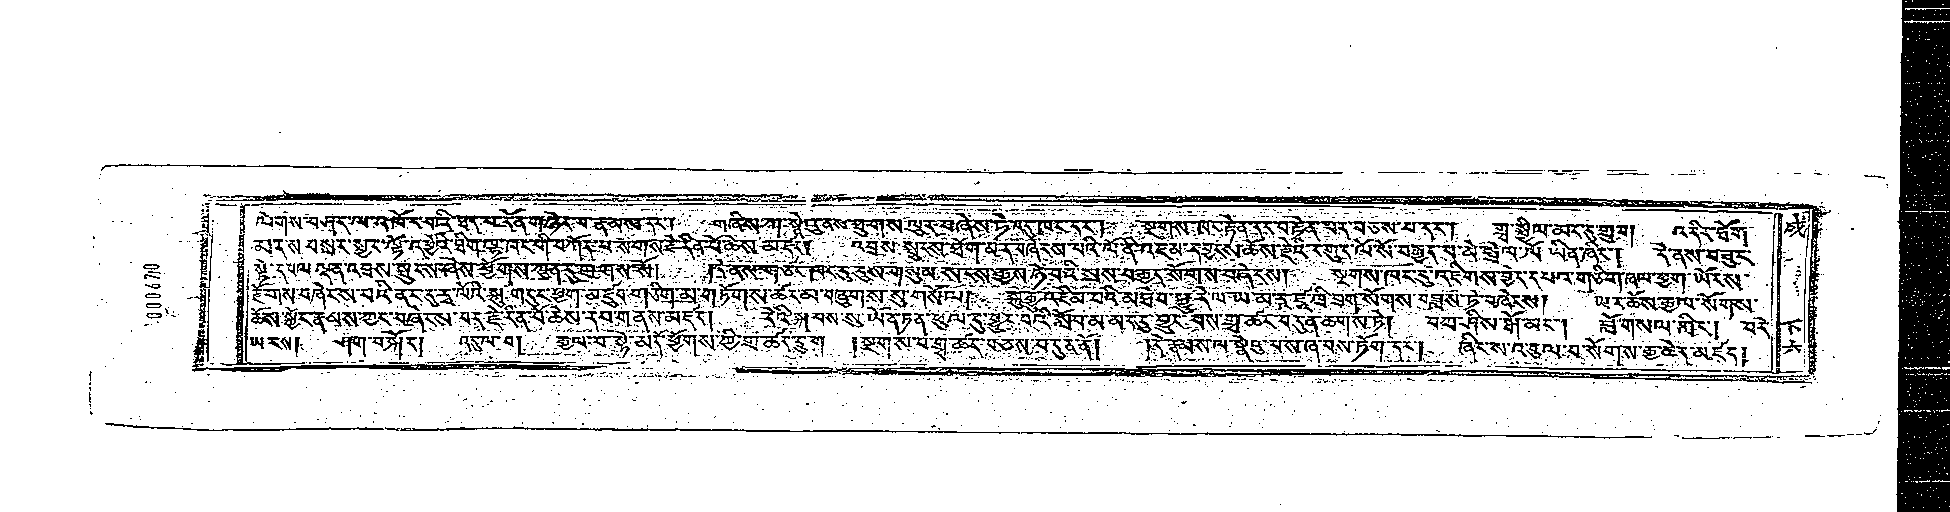ལེགས་བཤད་ལ་འཁོར་བའི་ཐར་པ་དོན་གཉེར་བ་རྣམས་དང་། གཞིས་ཀ་སྣེའུ་ནས་ཐུགས་ལུར་བཞེས་ཏེ་འདུ་ཁང་དང་། སྔགས་ཁང་རྟེན་དང་བརྟེན་པར་བཅས་པ་དང་། གྲྭ་སྤྱིལ་མང་དུ་གྲུབ། འདིར་ཐོག་
མར་ས་བསླང་སྤྱང་ལྟོ་འཕྱེའི་ཐིག་ལྷ་ཁང་གི་བཀོད་པ་སོགས་རྗེ་རིན་པོ་ཆེས་མཛད། འབྲས་སྤུངས་ཐོག་མར་བཞེངས་པའི་ལོ་ནི་འཇམ་དབྱངས་ཆོས་རྗེའི་དགུང་ལོ་སོ་བརྒྱད་པ་མེ་སྤྲེལ་ལོ་ཡིན་ཞིང་། དེ་ནས་བཟུང་
སྟེ་དཔལ་ལྡན་འབྲས་སྤུངས་ཞེས་ཕྱོགས་ཀུན་དུ་གྲགས་སོ། །དེ་ནས་གཙང་ཁང་དུ་དུས་གསུམ་སངས་རྒྱས་ཉེ་བའི་སྲས་བརྒྱད་སོགས་བཞེངས། སྔགས་ཁང་དུ་འཇིགས་བྱེད་དཔའ་གཅིག་ཞལ་ཕྱག་ཡོངས་
རྫོགས་བཞེངས་པའི་ནང་དུ་རྭ་ལོའི་སྐུ་གདུང་ཕྱག་མཛུབ་གཅིག་མ་གཏོགས་ཚང་མ་བཞུགས་སུ་གསོལ། སྐུ་རྒྱུ་འཇིམ་པའི་མཐེབ་སྐྱུ་རེ་ལ་ཡ་མ་རཱ་ཛཱ་ཁྲི་ཕྲག་སོགས་བཟླས་ཏེ་བཞེངས། ཡང་ཆོས་རྒྱལ་སོགས་
ཆོས་སྐྱོང་རྣམས་ཀྱང་བཞེངས་པར་རྗེ་རིན་པོ་ཆེས་རབ་གནས་མཛད། དེའི་སྐབས་སུ་ཡོན་ཏན་ཕུལ་དུ་བྱུང་བའི་སློབ་མ་མང་དུ་བྱུང་བས་གྲྭ་ཚང་བདུན་ཆགས་ཏེ། བཀྲ་ཤིས་སྒོ་མང་། བློ་གསལ་གླིང་། བདེ་
ཡངས། ཤག་བསྐོར། འདུལ་བ། རྒྱལ་བ་སྟེ་མདོ་ཕྱོགས་ཀྱི་གྲ་ཚང་དྲུག །སྔགས་པ་གྲྭ་ཚད་བཅས་བདུན་ནོ། །དེ་རྣམས་ལ་སྣེའུ་པས་ཞ་བས་ཏོག་དང་། ཞིང་ས་?་བུལ་བ་སོགས་རྒྱ་ཆེར་མཛད།